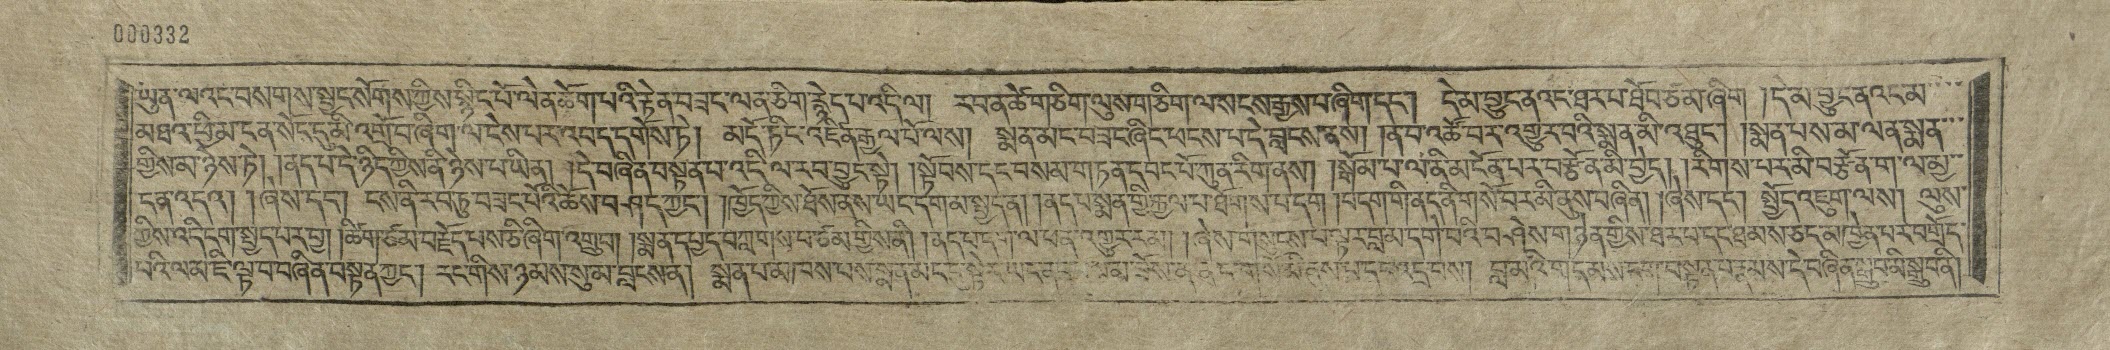ཡུན་ལའང་བསགས་སྦྱང་སོགས་ཀྱིས་སྙིང་པོ་ལེན་ཆོག་པའི་རྟེན་བཟང་ལན་ཅིག་རྙེད་པ་འདི་ལ། རབ་ན་ཚེ་གཅིག་ལུས་གཅིག་ལ་སངས་རྒྱས་པ་ཞིག་དང་། དེ་མ་བྱུང་ནའང་ཐར་པ་ཐོབ་ཙམ་ཞིག །དེ་མ་བྱུང་ནའང་མ་
མཐའ་ཕྱི་མ་ངན་སོང་དུ་མི་འགྲོ་བ་ཞིག་ལ་ངེས་པར་འབད་དགོས་ཏེ། མདོ་ཏིང་འཛིན་རྒྱལ་པོ་ལས། སྨན་མང་བཟང་ཞིང་ཕངས་པ་དེ་བླངས་ནས། །ན་བ་འཚོ་བར་འགྱུར་བའི་སྨན་མི་འཐུང་། །སྨན་པས་མ་ལན་སྨན་
གྱིས་མ་ཉེས་ཏེ། །ནད་པ་དེ་ཉིད་ཀྱིས་ནི་ཉེས་པ་ཡིན། །དེ་བཞིན་བསྟན་པ་འདི་ལ་རབ་བྱུང་སྟེ། །སྟོབས་དང་བསམ་གཏན་དབང་པོ་ཀུན་རིག་ནས། །སྒོམ་པ་ལ་ནི་མངོན་པར་བརྩོན་མི་བྱེད། །རིགས་པར་མི་བརྩོན་ག་ལ་མྱ་
ངན་འདའ། །ཞེས་དང་། ངས་ནི་རབ་ཏུ་བཟང་པོའི་ཆོས་བཤད་ཀྱང་། །ཁྱོད་ཀྱིས་ཐོས་ནས་ཡང་དག་མ་སྤྱད་ན། །ནད་པ་སྨན་གྱི་རྐྱལ་པ་ཐོགས་པ་དག །བདག་གི་ནད་ནི་གསོ་བར་མི་ནུས་བཞིན། །ཞེས་དང་། སྤྱོད་འཇུག་ལས། ལུས་
ཀྱིས་འདི་དག་སྤྱད་པར་བྱ། །ཚིག་ཙམ་བརྗོད་པས་ཅི་ཞིག་འགྲུབ། །སྨན་དཔྱད་བཀླགས་པ་ཙམ་གྱིས་ནི། །ནད་པ་དག་ལ་ཕན་འགྱུར་རམ། །ཞེས་གསུངས་པ་ལྟར་བླ་མ་དགེ་བའི་བཤེས་གཉེན་གྱིས་ཐར་པ་དང་ཐམས་ཅད་མཁྱེན་པར་བགྲོད་
པའི་ལམ་ཇི་ལྟ་བ་བཞིན་བསྟན་ཀྱང་། རང་གིས་ཉམས་སུ་མ་བླངས་ན། སྨན་པ་མཁས་པས་སྨན་མང་དུ་སྟེར་ཡང་ནད་པས་མ་ཟོས་ན་ནད་གསོ་མི་ནུས་པ་དང་འདྲ་བས། བླ་མའི་གདམས་ངག་བསྟན་པ་རྣམས་དེ་བཞིན་སྒྲུབ་མི་སྒྲུབ་ནི།